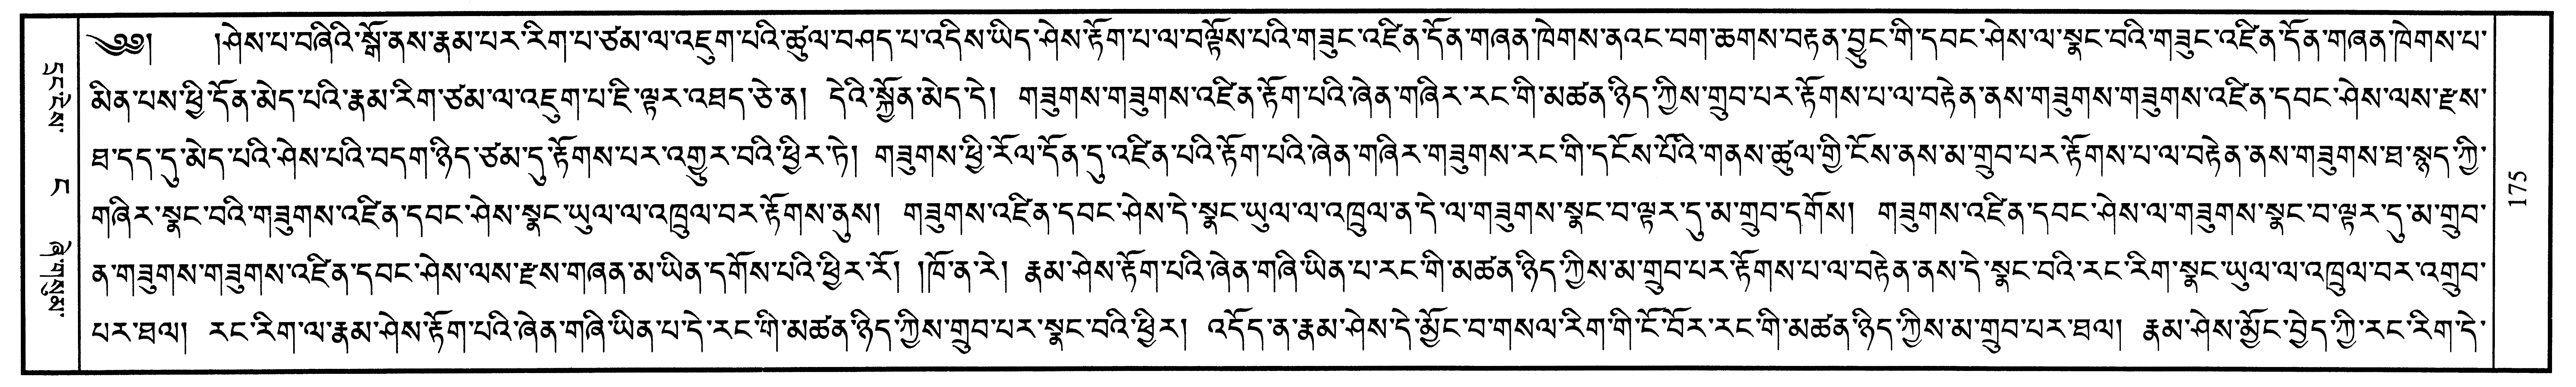༄༅། །ཤེས་པ་བཞིའི་སྒོ་ནས་རྣམ་པར་རིག་པ་ཙམ་ལ་འཇུག་པའི་ཚུལ་བཤད་པ་འདིས་ཡིད་ཤེས་རྟོག་པ་ལ་བལྟོས་པའི་གཟུང་འཛིན་དོན་གཞན་ཁེགས་ནའང་བག་ཆགས་བརྟན་བྱུང་གི་དབང་ཤེས་ལ་སྣང་བའི་གཟུང་འཛིན་དོན་གཞན་ཁེགས་པ་
མིན་པས་ཕྱི་དོན་མེད་པའི་རྣམ་རིག་ཙམ་ལ་འཇུག་པ་ཇི་ལྟར་འཐད་ཅེ་ན། དེའི་སྐྱོན་མེད་དེ། གཟུགས་གཟུགས་འཛིན་རྟོག་པའི་ཞེན་གཞིར་རང་གི་མཚན་ཉིད་ཀྱིས་གྲུབ་པར་རྟོགས་པ་ལ་བརྟེན་ནས་གཟུགས་གཟུགས་འཛིན་དབང་ཤེས་ལས་རྫས་
ཐ་དད་དུ་མེད་པའི་ཤེས་པའི་བདག་ཉིད་ཙམ་དུ་རྟོགས་པར་འགྱུར་བའི་ཕྱིར་ཏེ། གཟུགས་ཕྱི་རོལ་དོན་དུ་འཛིན་པའི་རྟོག་པའི་ཞེན་གཞིར་གཟུགས་རང་གི་དངོས་པོའི་གནས་ཚུལ་གྱི་ངོས་ནས་མ་གྲུབ་པར་རྟོགས་པ་ལ་བརྟེན་ནས་གཟུགས་ཐ་སྙད་ཀྱི་
གཞིར་སྣང་བའི་གཟུགས་འཛིན་དབང་ཤེས་སྣང་ཡུལ་ལ་འཁྲུལ་བར་རྟོགས་ནུས། གཟུགས་འཛིན་དབང་ཤེས་དེ་སྣང་ཡུལ་ལ་འཁྲུལ་ན་དེ་ལ་གཟུགས་སྣང་བ་ལྟར་དུ་མ་གྲུབ་དགོས། གཟུགས་འཛིན་དབང་ཤེས་ལ་གཟུགས་སྣང་བ་ལྟར་དུ་མ་གྲུབ་
ན་གཟུགས་གཟུགས་འཛིན་དབང་ཤེས་ལས་རྫས་གཞན་མ་ཡིན་དགོས་པའི་ཕྱིར་རོ། །ཁོ་ན་རེ། རྣམ་ཤེས་རྟོག་པའི་ཞེན་གཞི་ཡིན་པ་རང་གི་མཚན་ཉིད་ཀྱིས་མ་གྲུབ་པར་རྟོགས་པ་ལ་བརྟེན་ནས་དེ་སྣང་བའི་རང་རིག་སྣང་ཡུལ་ལ་འཁྲུལ་བར་འགྲུབ་
པར་ཐལ། རང་རིག་ལ་རྣམ་ཤེས་རྟོག་པའི་ཞེན་གཞི་ཡིན་པ་དེ་རང་གི་མཚན་ཉིད་ཀྱིས་གྲུབ་པར་སྣང་བའི་ཕྱིར། འདོད་ན་རྣམ་ཤེས་དེ་མྱོང་བ་གསལ་རིག་གི་ངོ་བོར་རང་གི་མཚན་ཉིད་ཀྱིས་མ་གྲུབ་པར་ཐལ། རྣམ་ཤེས་མྱོང་བྱེད་ཀྱི་རང་རིག་དེ་